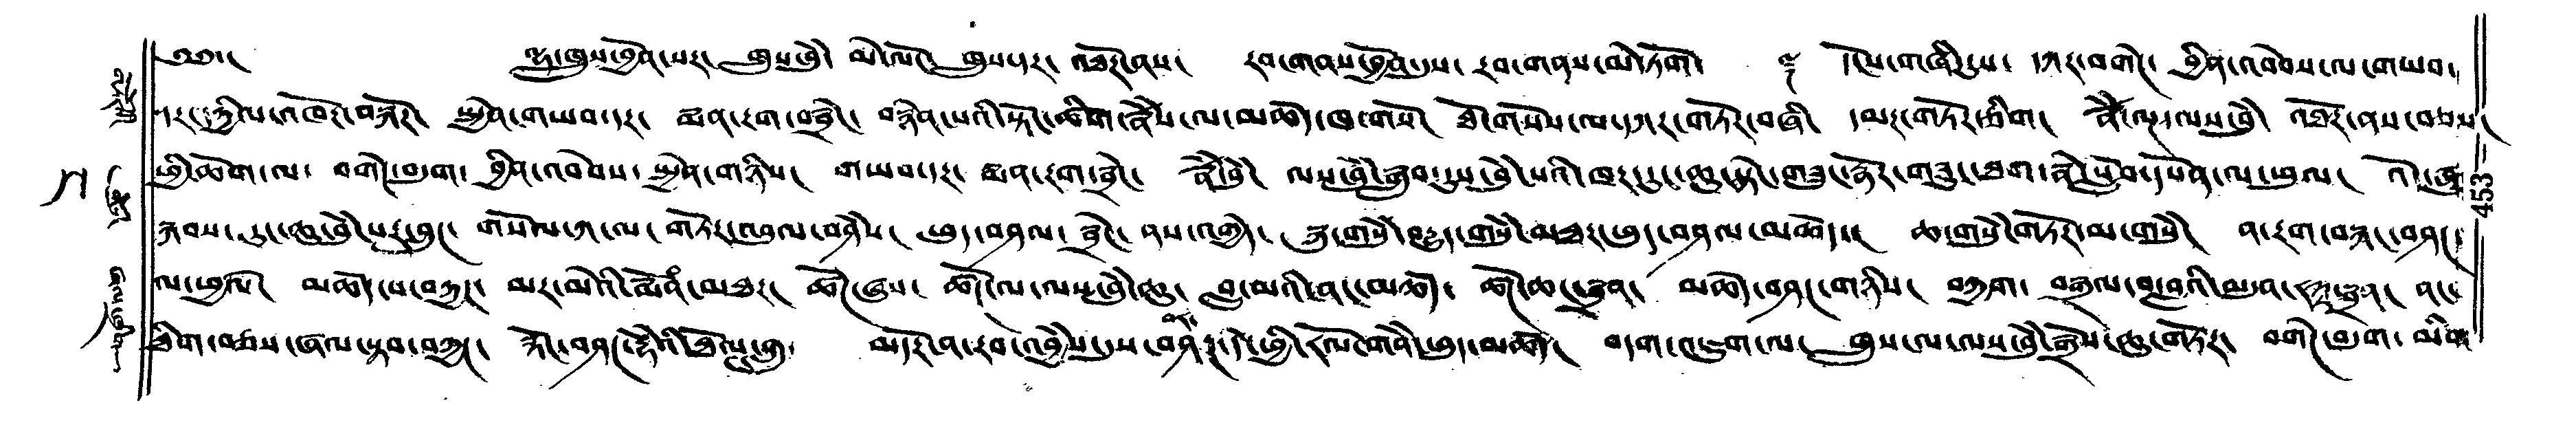ལྷ་ཁྲུས་བྱོན་པར། ཁྲུས་བུམ། མེ་ལོང་། ཁྲུས་དར། འཐོར་ནས། རབ་གནས་བྱོན་དུས་རབ་གནས་མེ་ཏོག ༈ དངོས་གཞིའི་དུས། དཀར་བགེགས། བྱིན་འབེབས་ལ་གཡབ་
དར། དཀྱིལ་འཁོར་བསྐོར། སྤྱན་འདྲེན་གཡབ་དར། སྨན་རཀ་སྦྲེང་། བསྙེན་པའི་སྟོང་ཚིག་རྣམས་ལ་མཆོད་ཁ་གསོ། ཐོ་གསོས་ལ་དཀར་གཏོར་བཞི། དམར་གཏོར་གཅིག རྣམ་ལྔ་ལས་བུམ། འཐོར་ནས་བཅས། 
ཕྱི་ཆོག་ལ། བགེགས་བདུག བྱིན་འབེབས། སྤྱན་འདྲེན་གཉིས། གཡབ་དར། སྨན་རཀ་སྦྲེང་། རྣམ་བུམ། ལས་བུམ་སྒྲུབ་དུས་བུམ་པའི་ཁར་དུང་ཆུའི་སྟེང་གཟུངས་རྡོར་གཟུངས་ཐག་སྣེ་སློབ་དཔོན་ལ་ཕུལ། འོད་ཞུ་
སྐབས་དུང་ཆུ་བུམ་པར་བླུགས། གསོལ་ཀ་ལ། གཏོར་འབུལ་བཤམས། ཕུད་བཤལ། སྦྲེང་ནས་འགྱེད། སྐུ་གསུམ་བརྒྱུད་གསུམ་མཐར་ཕུད་བཤལ་མཆོད། ཆ་གསུམ་གཏོར་མ་གསུམ། ན་རག་སྐོང་བཤགས་
ལ་ཕྱག་འཚལ། མཆོད་པ་བཀྱགས། མར་མེའི་སྨོན་ལམ་མཐར། ཚོགས་ལ་ལས་བུམ་ཆུ། བླ་མའི་ནང་མཆོད། ཚོགས་ཆང་སྦྲན། མཆོད་བཤགས་གཉིས་བཀྱགས། སྒྲལ་བ་བླ་མའི་མདུན་བཞག་རཀྟ་སྦྲན། ནང་
ཐིག་བཅས་ཞལ་བསྟབ་བཀྱགས། སྐོང་བཤགས་རྡོ་རྗེའི་ཐོལ་གླུ། མདོར་ན་རབ་འབྱམས་དུས། བར་བཤགས་དེ་ཕྱི་རོལ་གནམ་ཕུད་དུ་མཆོད། བདག་འཇུག་ལ། ཁྲུས་ལ་ལས་བུམ་སྒྲོས་ཆུ་གཏོར། བགེགས་བདུག མིག་